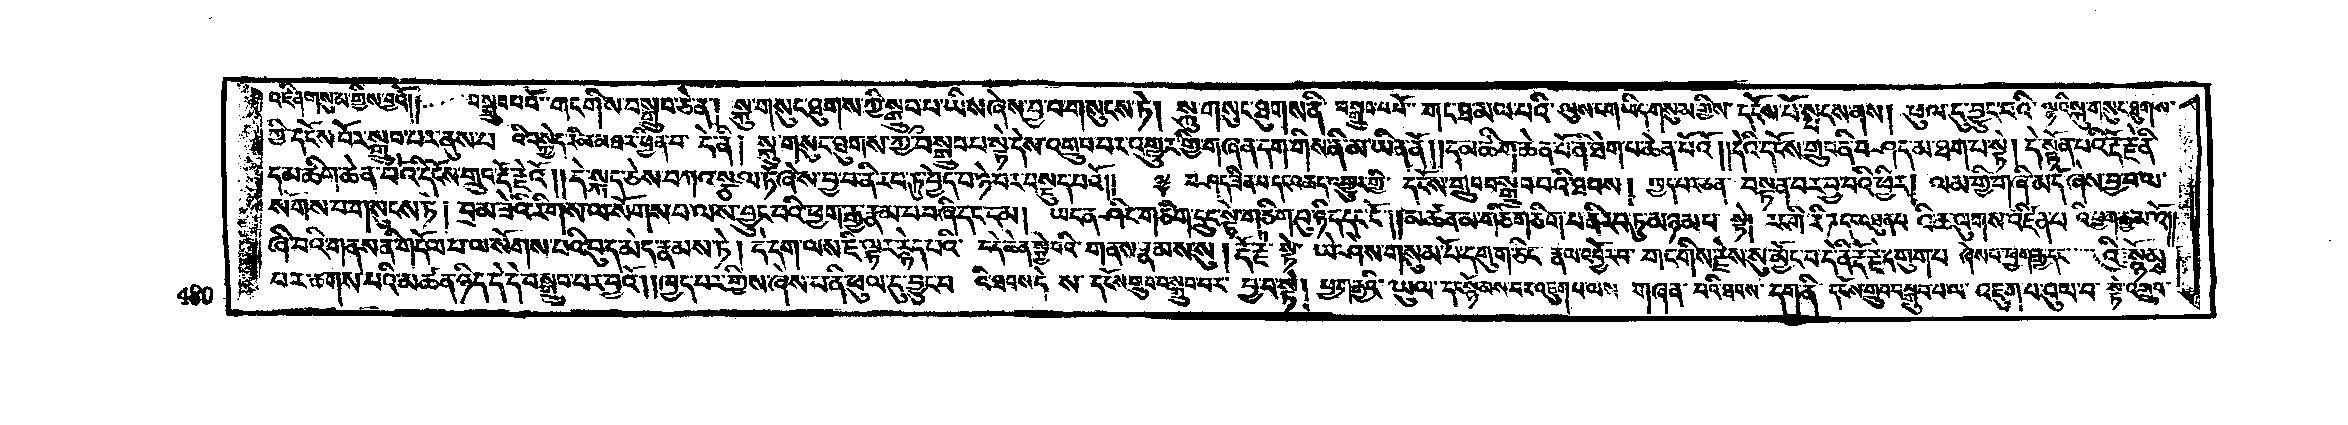འཛིན་གསུམ་གྱིས་བྱའོ།། .H བསྒྲུབ་པ་པོ་གང་གིས་བསྒྲུབ་ཅེ་ན། སྐུ་གསུང་ཐུགས་ཀྱི་སྒྲུབ་པ་ཡིས་ཞེས་བྱ་བ་གསུངས་ཏེ། སྐུ་གསུང་ཐུགས་ནི་བསྒྲུབ་པ་པོ་གང་ཐ་མལ་བའི་ལུས་ངག་ཡིད་གསུམ་གྱིས་དངོས་པོ་སྤངས་ནས། ཕུལ་དུ་བྱུང་བའི་ལྷའི་སྐུ་གསུང་ཐུགས་
ཀྱི་དངོས་པོར་སྒྲུབ་པར་ནུས་པའི་བསྐྱེད་རིམ་མཐར་ཕྱིན་པ་དེ་ནི། སྐུ་གསུང་ཐུགས་ཀྱི་བསྒྲུབ་པ་སྟེ་དེས་འགྲུབ་པར་འགྱུར་གྱི་གཞན་དག་གིས་ནི་མ་ཡིན་ནོ། །དམ་ཚིག་ཆེན་པོ་ནི་ཐེག་པ་ཆེན་པོའོ། །དེའི་དངོས་གྲུབ་ནི་བཤད་མ་ཐག་པ་སྟེ། དེ་སྟོན་པའི་རྡོ་རྗེ་ནི་
དམ་ཚིག་ཆེན་པོའི་དངོས་གྲུབ་རྡོ་རྗེའོ། །དེ་སྐད་ཅེས་བཀའ་སྩལ་ཏོ་ཞེས་བྱ་བ་ནི་རབ་ཏུ་བྱེད་པ་ཉེ་བར་བསྡུད་པའོ།། ༈ བཤད་ཟིན་པ་དང་འཆད་འགྱུར་གྱི་དངོས་གྲུབ་བསྒྲུབ་པའི་ཐབས། ཁྱད་པར་ཅན་བསྟན་པར་བྱ་བའི་ཕྱིར། ལམ་གྱི་གཞི་མདོ་ཞེས་བྱ་བ་ལ་
སོགས་པ་གསུངས་ཏེ། བྲམ་ཟེའི་རིགས་ལ་སོགས་པ་ལས་བྱུང་བའི་ཕྱག་རྒྱ་རྣམ་པ་བཞི་དང་ངམ། ཡང་ན་ཤིང་གཅིག་དྲུང་སྟེ་གཅིག་པུ་ཉིད་དང་ངོ། །མཚན་མ་གཅིག་གཅིག་པ་ནི་རབ་ཏུ་མཉམ་པ་སྟེ། རང་གི་རིགས་དང་འཐུན་པའི་ཆ་ལུགས་འཛིན་པའི་ཕྱག་རྒྱ་མ་འོ།།
ཞི་བའི་གནས་ནི་གདོལ་པ་ལ་སོགས་པའི་བུད་མེད་རྣམས་ཏེ། དེ་དག་ལས་ཇི་ལྟར་རྙེད་པའི་བདེ་ཆེན་སྐྱེ་བའི་གནས་རྣམས་སུ། རྡོ་རྗེ་སྟེ་ཡེ་ཤེས་གསུམ་པོ་དགུག་ཅིང་རྣལ་འབྱོར་བ་གང་གིས་རྗེས་སུ་མྱོང་བ་དེ་ནི་རྡོ་རྗེ་དགུག་པ་ཞེས་པ་ཕྱག་རྒྱ་དང་འི་སྙོམས་
པར་ཞུགས་པའི་མཚན་ཉིད་དེ་དེ་བསྒྲུབ་པར་བྱའོ། །ཁྱད་པར་གྱིས་ཞེས་པ་ནི་ཕུལ་དུ་བྱུང་བའི་ཐབས་དེས་དངོས་གྲུབ་བསྒྲུབ་པར་བྱ་བ་སྟེ། ཕྱག་རྒྱའི་ཡུལ་དང་སྙོམས་པར་འཇུག་པ་ལས་གཞན་པའི་ཐབས་དག་ནི་དངོས་གྲུབ་བསྒྲུབ་པ་ལ་འཇུག་པ་བུལ་བ་སྟེ་འགྲུབ་